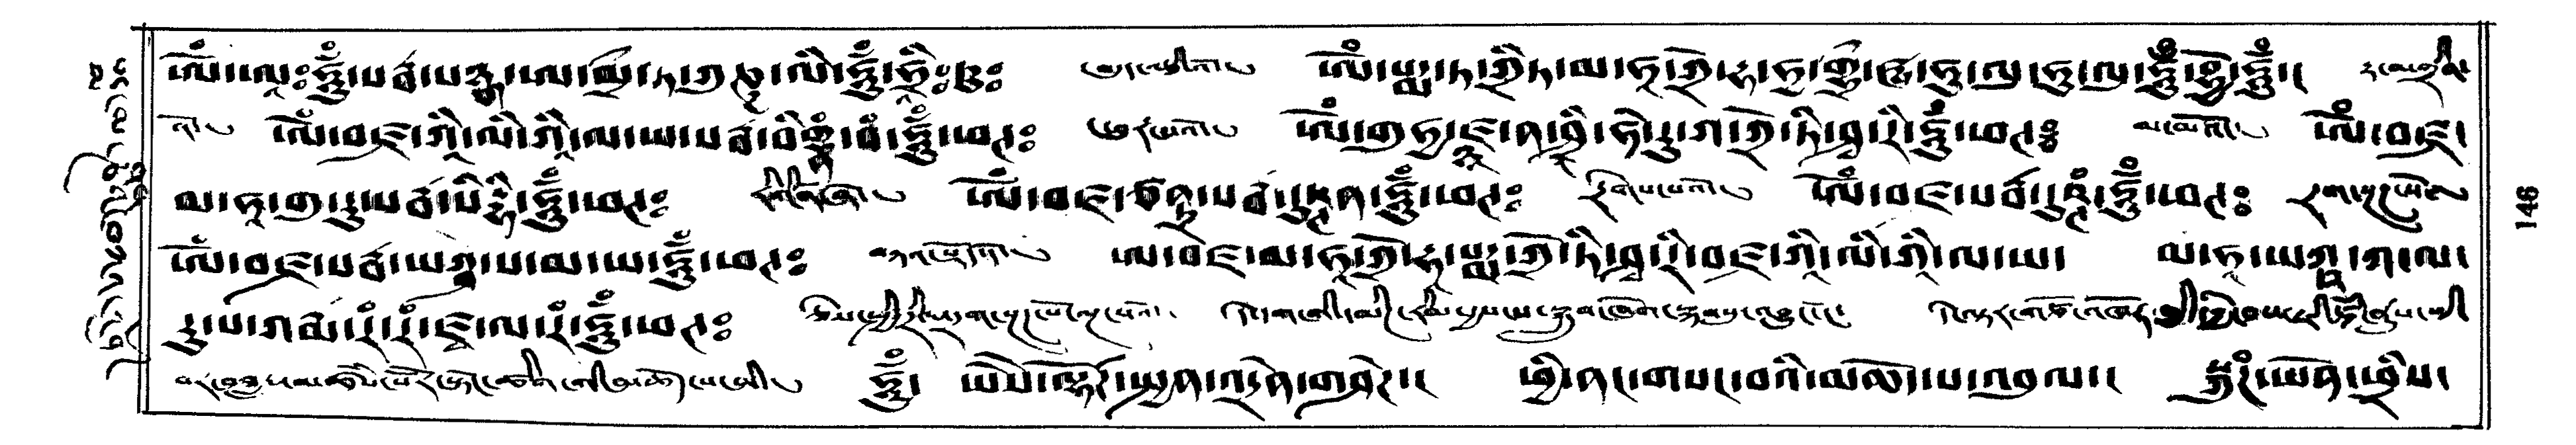ཨོཾ་ཨཱཿཧཱུྃ་སརྦ་པཉྩ་ཨ་མྲྀ་ཏ་ཀུཎྜ་ལི་ཧཱུྃ་ཧྲཱིཿཐཿ བདུད་རྩིའོ། ཨོཾ་པདྨ་ཏ་ཀྲི་ཏ་མ་ཧཱ་ཀྲོ་དྷ་ཧྱ་གྷྲྀ་ཝ་ཧུ་ལུ་ཧུ་ལུ་ཧཱུྃ་བྷྱོ་ཧཱུྃ། རྟ་མགྲིན་
ནོ། ཨོཾ་བཛྲ་ཀཱི་ལི་ཀི་ལ་ཡ་སརྦ་བིགྷྣཾ་བཾ་ཧཱུྃ་ཕཊཿ ཕུར་པའོ། ཨོཾ་གུཧྱ་ཛྙཱ་ན་ཤྲཱི་ཧེ་རུ་ཀ་ཀྲོ་ཏི་ཤཱ་རི་ཧཱུྃ་ཕཊ༔ མ་མའོ། ཨོཾ་བཛྲ་
མ་ཧཱ་གུ་རུ་སརྦ་སིདྡྷི་ཧཱུྃ་ཕཊ༔ རིག་འཛིན་ནོ། ཨོཾ་བཛྲ་ཙནྡྲ་སརྦ་དུཥྜན་ཧཱུཾ་ཕཊཿ དྲེགས་པའོ། ཨོཾ་བཛྲ་སརྦ་དུཥྜཾ་ཧཱུཾ་ཕཊཿ དྲགས་སྔགས་སོ། 
ཨོཾ་བཛྲ་སརྦ་ཡཀྴ་ས་མ་ཡ་ཧཱུཾ་ཕཊཿ བཀའ་སྡོད་དོ། ཨོཾ་བཛྲ་མ་ཧཱ་ཀྲོ་དྷ་པདྨ་ཀྲོ་ཏི་ཤྭ་རི་བཛྲ་ཀཱི་ལི་ཀི་ལ་ཡ། མ་ཧཱ་ཡཀྵ་ཀ་ལ་
རུ་པ་ཀརྨ་རཾ་རཾ་ཛྭ་ལ་རཾ་ཧཱུྃ་ཕཊཿ ཅེས་སྤྱི་དྲིལ་དྲག་སྔགས་སོ་ལྔ་པའོ།། དེ་དག་གི་དམིགས་རིམ་རྒྱས་པ་སྒྲུབ་ཁོག་སྐབས་སུ་འབྱུང་ངོ་།། དེ་ལྟར་གཙོ་འཁོར་གྱི་དབྱེ་བས་ཇི་ཙམ་ནུས་པའི་
བར་བཟླས་མཚམས་སོ་སོར་སྟོང་ཚིག་གི་མཆོད་པ་ནི། ཧཱུྃ། ཡེ་ཤེས་ལྷ་ཚོགས་སྤྱན་འདྲེན་གཤེགས། །ཕྱི་ནང་གསང་བའི་མཆོད་པ་འབུལ། །སྐུ་གསུང་ཐུགས་ཡོན་ཏན་ཕྲིན་ལས་བསྟོད།